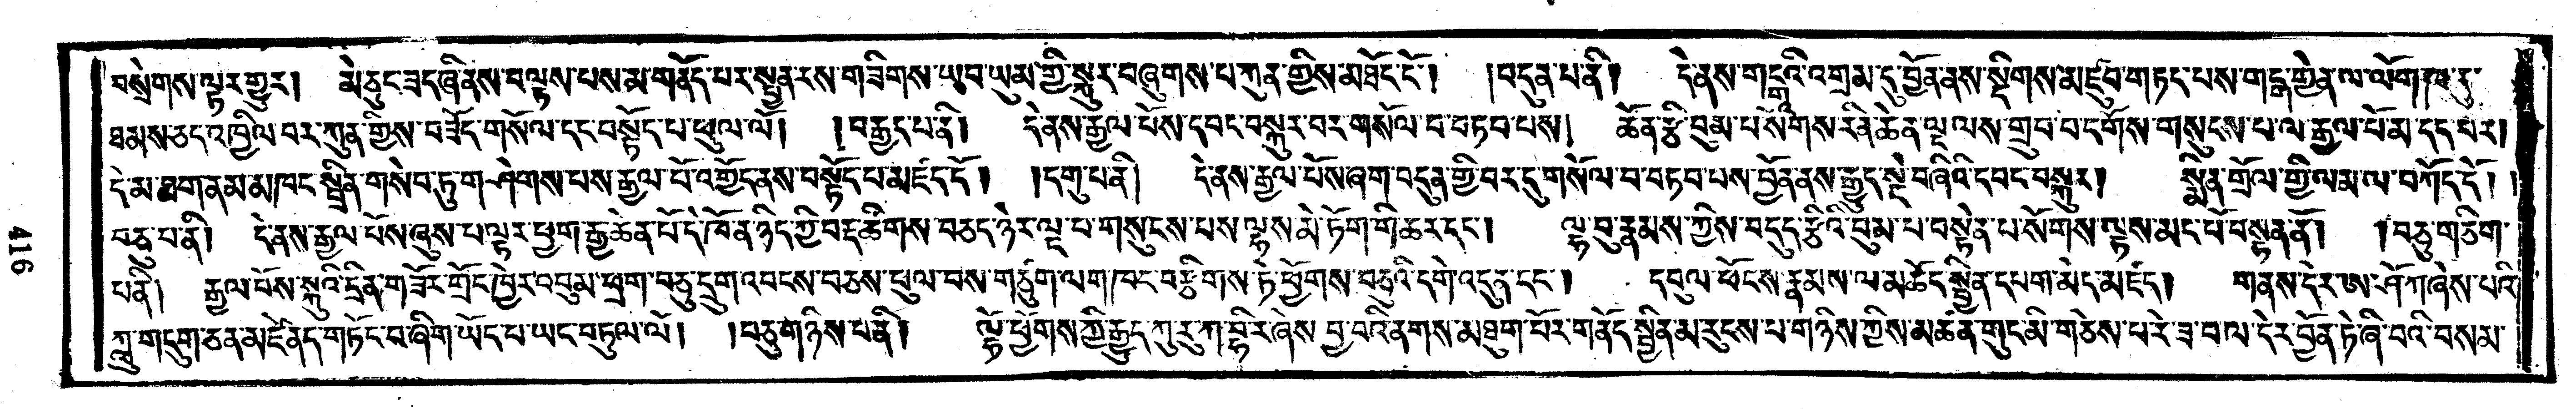བསྲེགས་ལྟར་གྱུར། མེ་ཅུང་ཟད་ཞི་ནས་བལྟས་པས་མ་གནོད་པར་སྤྱན་རས་གཟིགས་ཡབ་ཡུམ་གྱི་སྐུར་བཞུགས་པ་ཀུན་གྱིས་མཐོང་ངོ། །བདུན་པ་ནི། དེ་ནས་གངྒཱའི་འགྲམ་དུ་བྱོན་ནས་སྡིགས་མཛུབ་གཏང་པས་གངྒ་གྱེན་ལ་ལོག་ཁ་རུ་
ཐམས་ཅད་འཁྱིལ་བར་ཀུན་གྱིས་བཟོད་གསོལ་དང་བསྟོད་པ་ཕུལ་ལོ། །བརྒྱད་པ་ནི། དེ་ནས་རྒྱལ་པོས་དབང་བསྐུར་བར་གསོལ་བ་བཏབ་པས། ཚོན་རྩི་བུམ་པ་སོགས་རིན་ཆེན་ལྔ་ལས་གྲུབ་པ་དགོས་གསུངས་པ་ལ་རྒྱལ་པོ་མ་དད་པར།
དེ་མ་ཐག་ནམ་མཁང་སྦྲིན་གསེབ་ཏུ་གཤེགས་པས་རྒྱལ་པོ་འགྱོད་ནས་བསྟོད་པ་མཛད་དོ། །དགུ་པ་ནི། དེ་ནས་རྒྱལ་པོས་ཞག་བདུན་གྱི་བར་དུ་གསོལ་བ་བཏབ་པས་བྱོན་ནས་རྒྱུད་སྡེ་བཞིའི་དབང་བསྐུར། སྨིན་གྲོལ་གྱི་ལམ་ལ་བཀོད་དོ། །
བཅུ་པ་ནི། དེ་ནས་རྒྱལ་པོས་ཞུས་པ་ལྟར་ཕྱག་རྒྱ་ཆེན་པོ་དེ་ཁོ་ན་ཉིད་ཀྱི་བརྡ་ཚིགས་བཅད་ཉེར་ལྔ་པ་གསུངས་པས་ལྷས་མེ་ཏོག་གི་ཆར་དང་། ལྷ་བུ་རྣམས་ཀྱིས་བདུད་རྩིའི་བུམ་པ་བསྟེན་པ་སོགས་ལྟས་མང་པོ་བསྟན་ནོ། །བཅུ་གཅིག་
པ་ནི། རྒྱལ་པོས་སྐུའི་དྲིན་གཟོར་གྲོང་ཁྱེར་འབུམ་ཕྲག་བཅུ་དྲུག་འབངས་བཅས་ཕུལ་བས་གཙུག་ལག་ཁང་བརྩིགས་ཏེ་ཕྱོགས་བཅུའི་དགེ་འདུན་དང་། དབུལ་ཕོངས་རྣམས་ལ་མཆོད་སྦྱིན་དཔག་མེད་མཛད། གནས་དེར་ཨ་ཤོ་ཀ་ཞེས་པའི་
ཀླུ་གདུག་ཅན་མཛེ་ནད་གཏོང་བ་ཞིག་ཡོད་པ་ཡང་བཏུལ་ལོ། །བཅུ་གཉིས་པ་ནི། ལྷོ་ཕྱོགས་ཀྱི་རྒྱུད་ཀུ་རུ་ཀ་བྷི་ར་ཞེས་བྱ་བའི་ནགས་མཐུག་པོར་གནོད་སྦྱིན་མ་རུངས་པ་གཉིས་ཀྱིས་མཚན་གུང་མི་གཅེས་པ་རེ་ཟ་བ་ལ་དེར་བྱོན་ཏེ་ཞི་བའི་བསམ་